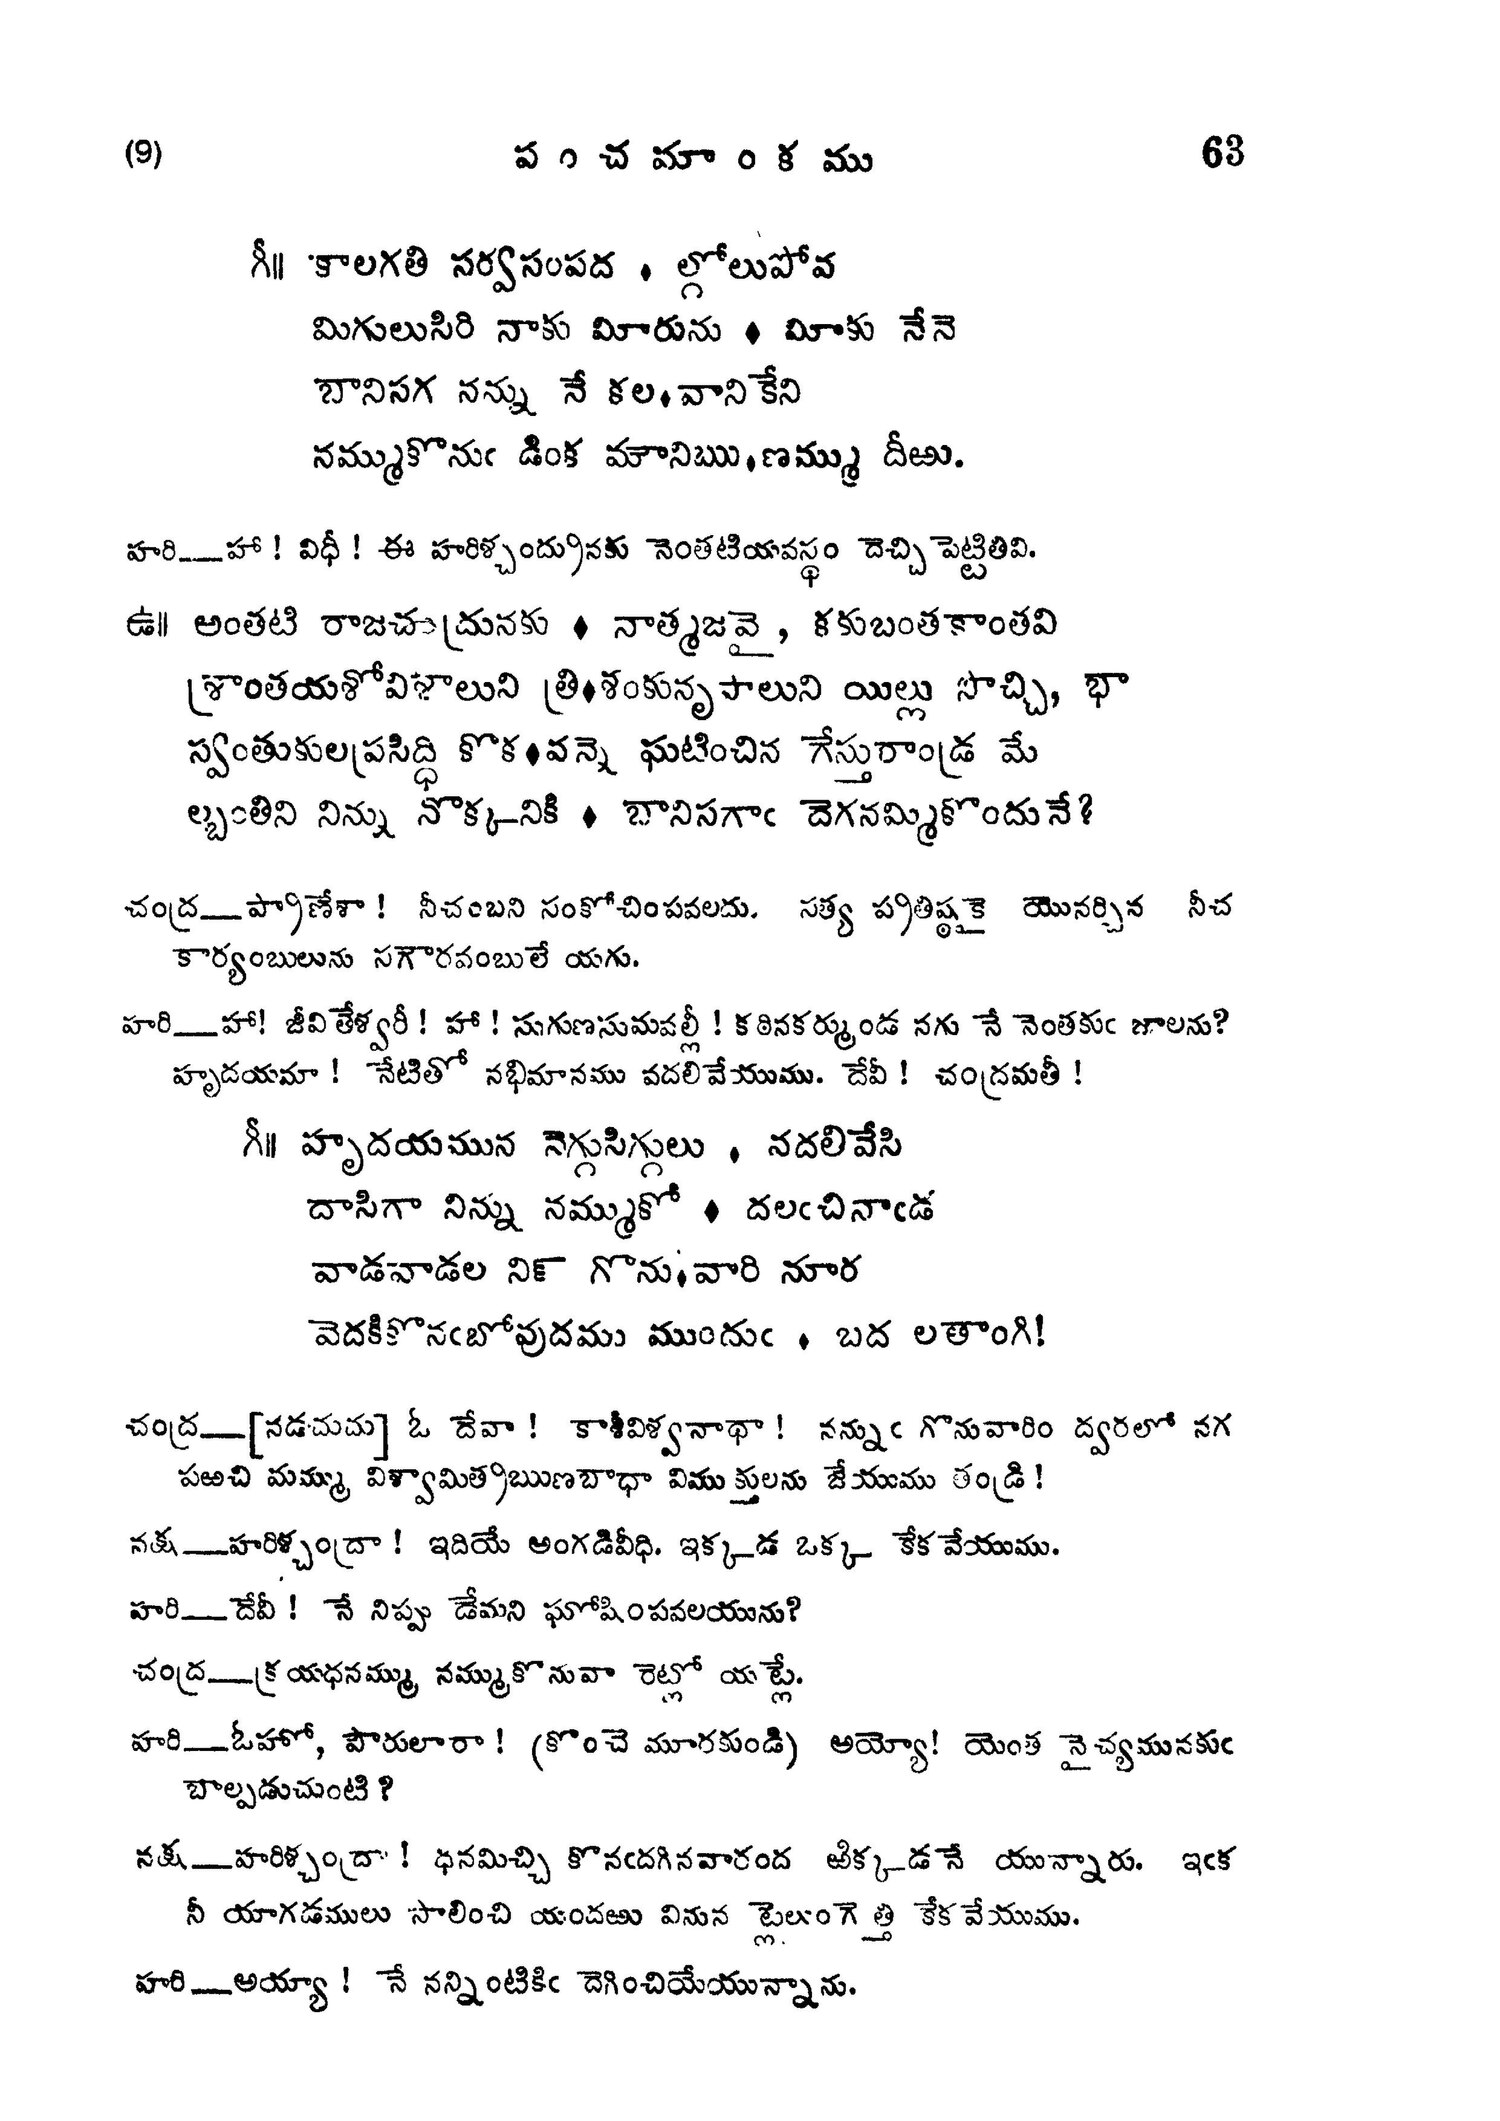గీ. 	కాలగతి సర్వసంపద గోలుపోవ
మిగులు సిరి నాకు మీరును మీకు నేనె
బానిసగ నన్ను నే కలవానికేని
నమ్ముకొనుఁ డింక మౌని ఋణమ్ము దీఱు.

హరి - 	హా! విధీ! ఈ హరిశ్చంద్రునకు నెంతటి యవస్థ దెచ్చితివి?

ఉ. 	అంతటి రాజచంద్రునకు నాత్మజవై కకుబంతకాంత వి
శ్రాంతయశోవిశాలుని త్రిశంకు నృపాలుని యిల్లు సొచ్చి, భా
స్వంతకుల ప్రసిద్ధికొక వన్నె ఘటించిన గేస్తురాండ్ర మే
ల్బంతిని నిన్ను నొక్కనికి బానిసగా దెగ నమ్ముకొందునే?

చంద్ర - 	ప్రాణేశా! నీచంబని సంకోచించవలదు. సత్యప్రతిష్ఠకై యొనర్చిన నీచ కార్యంబులును సగౌరవంబులేయగు.

హరి - 	హా! జీవితేశ్వరీ! హా! సుగుణసుమవల్లీ! కఠినకర్ముండ నగు నేనెంతకు జాలను? హృదయమా! నేటితో నభిమానము వదలివేయుము. దేవీ! చంద్రమతీ!

గీ. 	హృదయమున నెగ్గు సిగ్గులు వదలివేసి
దాసిగా నిన్ను నమ్ముకో దలచినాడ
వాడవాడల నిన్‌ గొనువారి నూర
వెదకికొన బోవుదుము జనవే లతాంగి!

చంద్ర - 	(నడచుచు) ఓదేవా! కాశీవిశ్వనాథా! నన్ను గొనువారి ద్వరలో గను పఱచి మమ్ము విశ్వామిత్ర ఋణబాధా విముక్తులను జేయుము, తండ్రీ!

నక్ష - 	హరిశ్చంద్రా! ఇదియే అంగడి వీథి. ఇక్కడ ఒక్క కేక వేయుము.

హరి - 	దేవీ! నేనిప్పుడేమి ఘోషించవలయును.

చంద్ర - 	క్రయ ధనమ్ము నమ్ము కొనువారెట్లో యట్లే.

హరి - 	ఓహో! పౌరులారా! (కొంచెమూరకుండి) అయ్యో! యెంత నైచ్యమునకు బాల్పడుచుంటిని?

నక్ష - 	హరిశ్చంద్రా! ధనమిచ్చి కొనదగిన వారంద ఱిక్కడనే యున్నారు? ఇంక నీ యాగడములు చాలించి యందఱు వినున ట్లెలుంగెత్తి కేక వేయుము.

హరి - 	అయ్యా! నేనన్నిటికి దెగించియే యున్నాను.